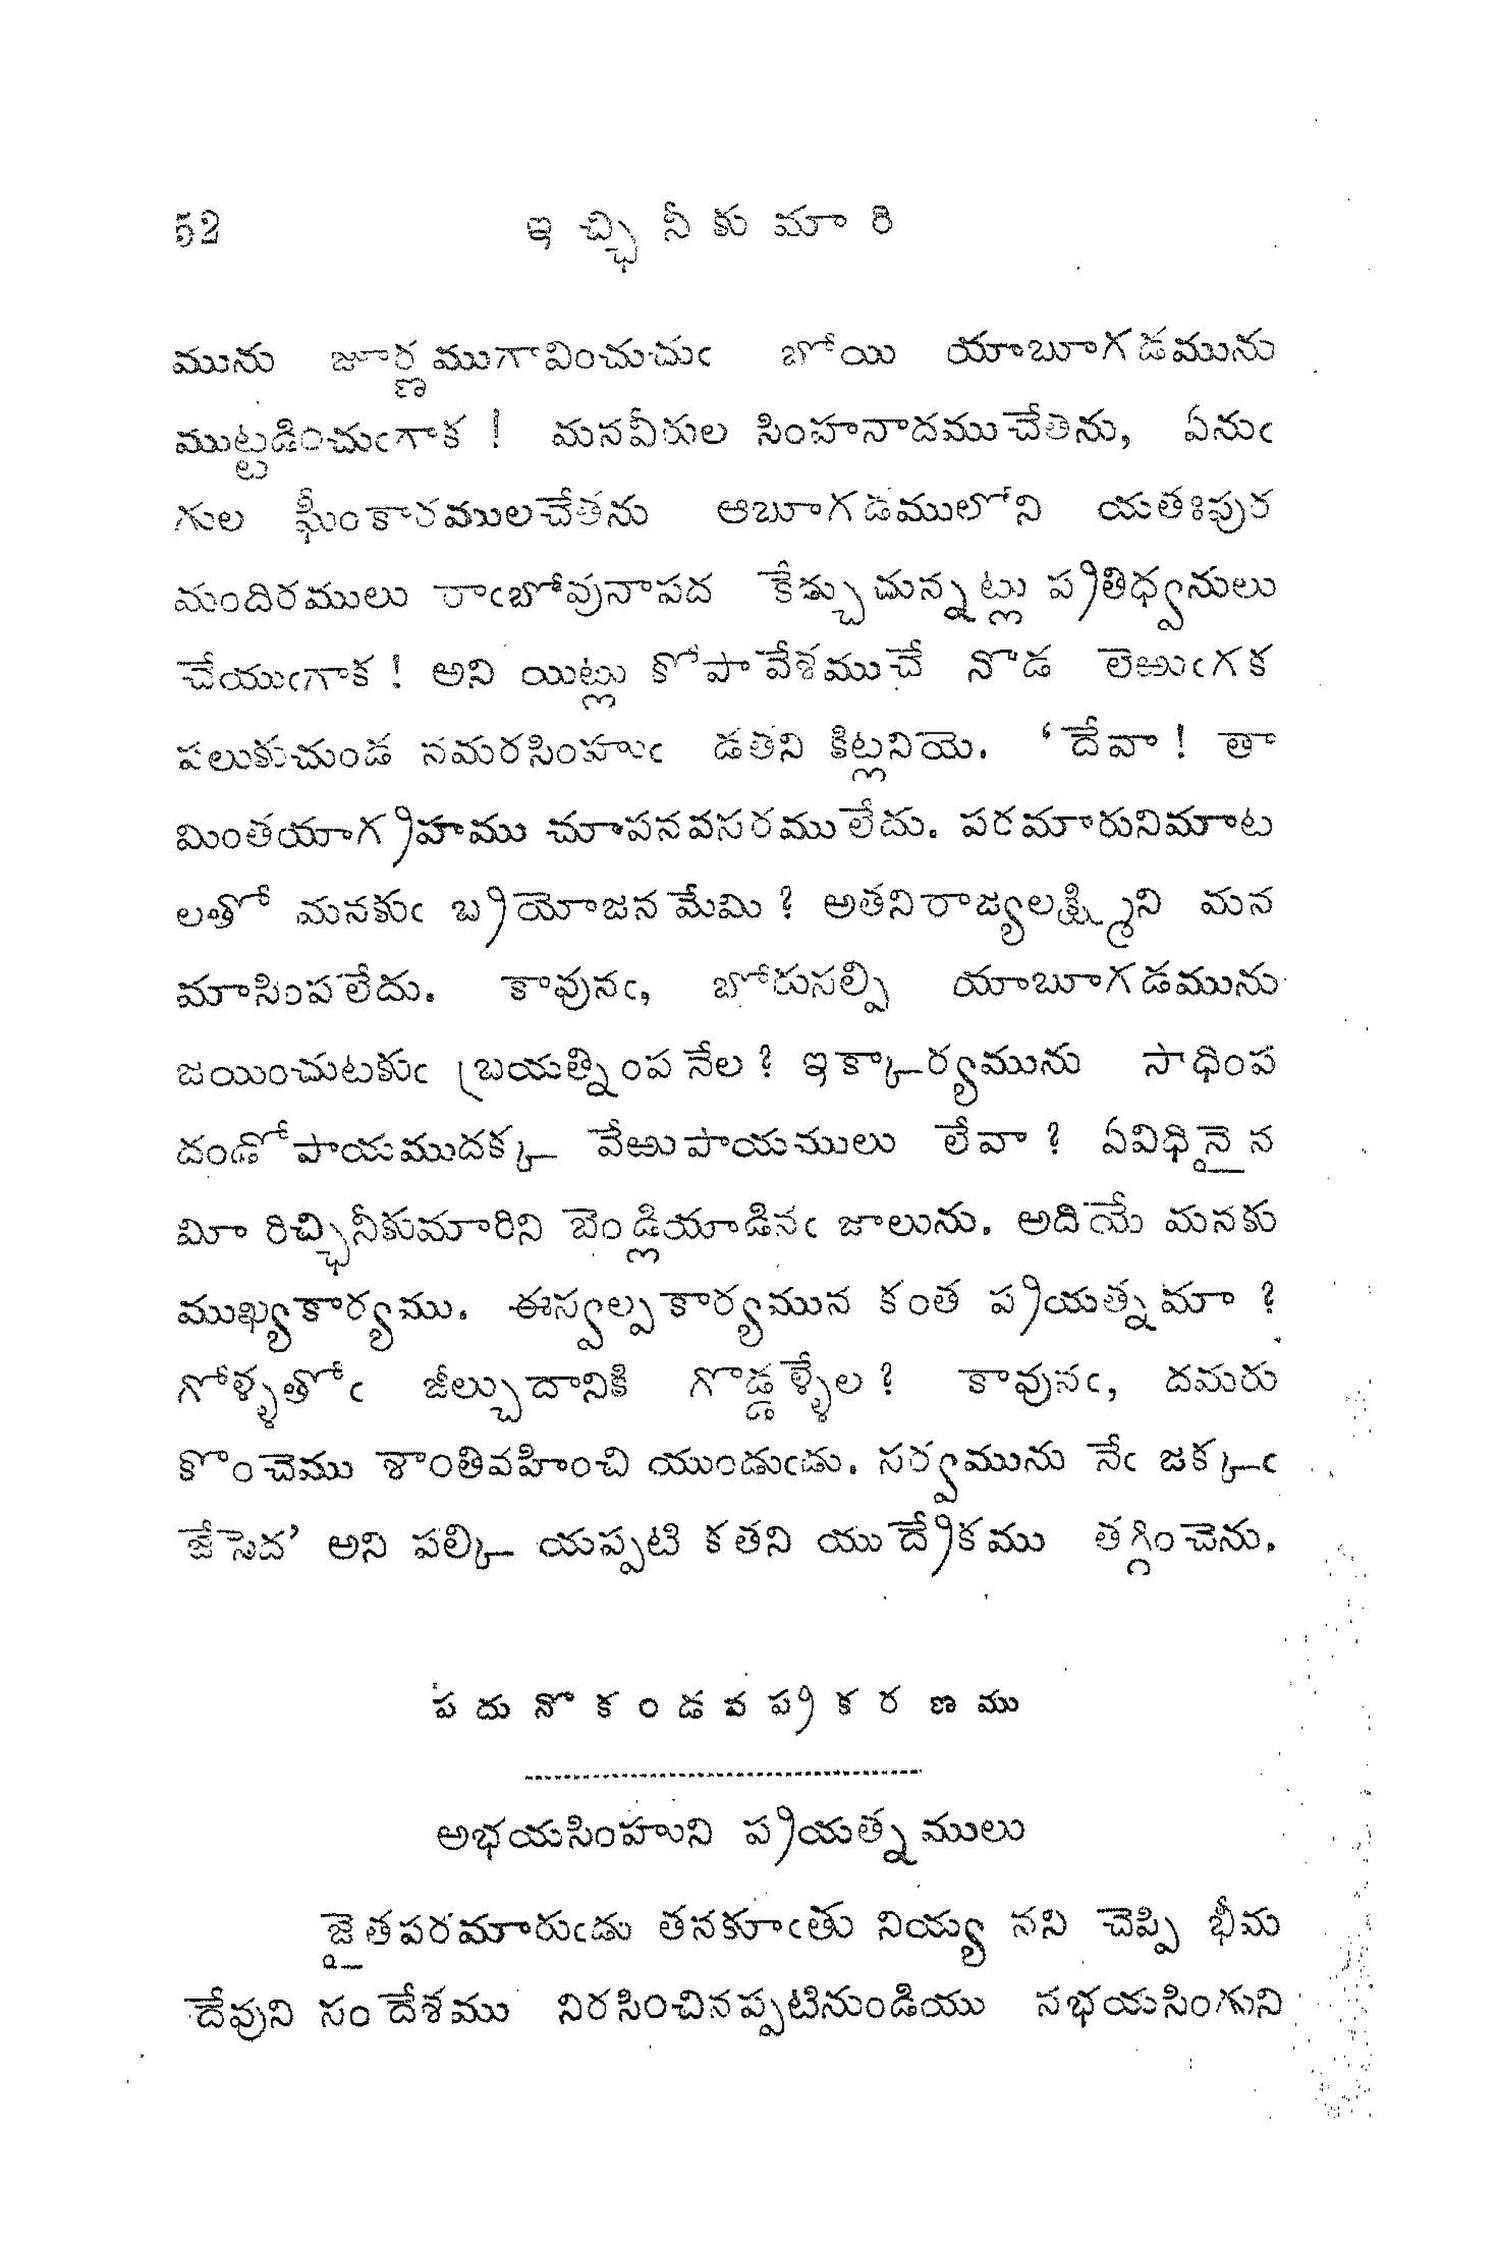మును జూర్ణగా గా వించుచుబోయిజూర్ణ ముగావించుచుఁయాబూగడమును ముట్టడించుఁగాక ! మనవీరుల సింహనాదము చేతను, ఏనుఁగుల ఘీంకారములచేతను ఆబూగడములోని యతఃపుర
మందిరములు రాఁబోవునాపద కేడ్చుచున్నట్లు ప్రతిధ్వనులు చేయుఁగాక ! అని యిట్లు కోపా వేశము చే నొడ లెఱుఁగక పలుకుచుండ సమరసింహుఁ డతని కిట్లనియె. 'దేవా ! తామింతయాగ్రహము
చూపనవసరము లేదు. పరమారునిమాటలతో మనకుఁ బ్రయోజనమేమి ? అతని రాజ్యలక్ష్మిని మన
మాసింప లేదు. కావునఁ, బోరుసల్పి యాబూగడమును జయించుటకుఁ బ్రయత్నింప నేల ? ఇక్కార్యమును సాధింప దండోపాయముదక్క వేజు పాయములు లేవా ! ఏవిధినై న
మీరిచ్ఛినీకుమారిని బెండ్లియాడినఁ జాలును, అదియే మనకు ముఖ్యకార్యము, ఈస్వల్ప కార్యమున కంత ప్రయత్నమా ? గోళ్ళతో జీల్చు దానికి గొడ్డళ్ళేల ! కావునఁ, దమరు కొంచెము శాంతివహించి యుండుఁడు. సర్వమును జేసెద' అని పల్కి. యప్పటి కతని యుద్రేకము తగ్గించెను,

జై తపరమారుఁడు తనకూఁతు నియ్య నని చెప్పి భీమదేవుని సం దేశము నిరసించి నప్పటినుండియు సభయసింగుని